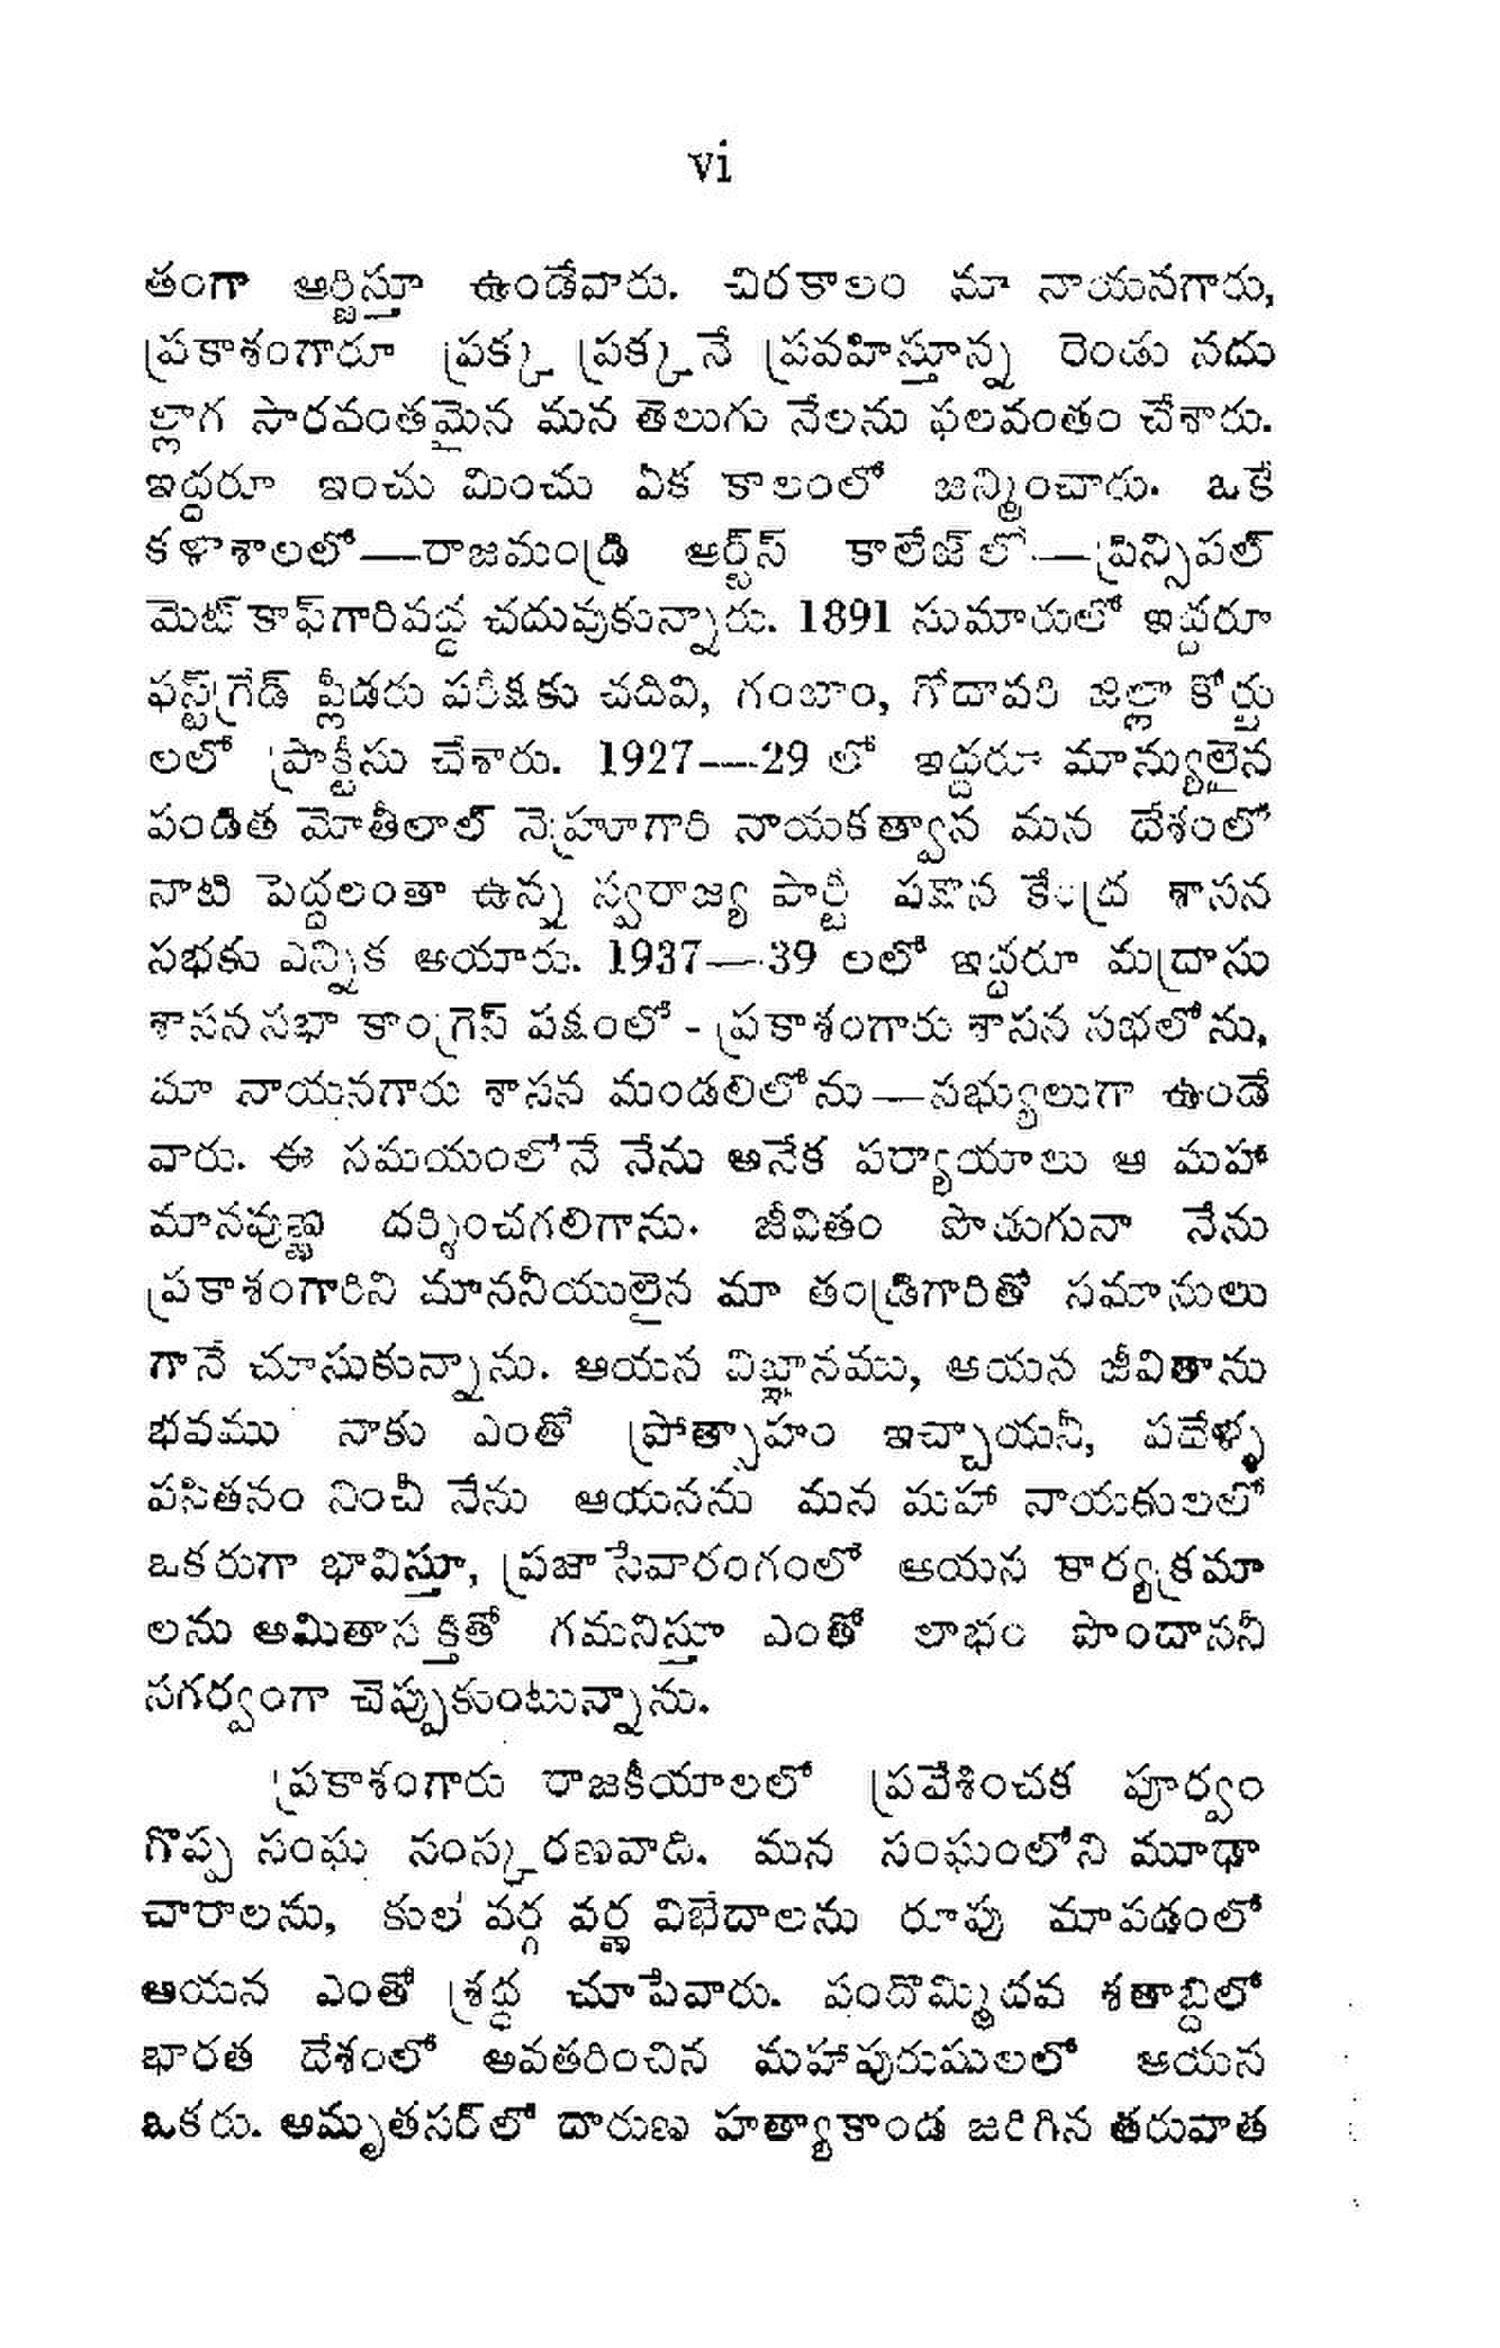తంగా ఆర్జిస్తూ ఉండేవారు. చిరకాలం మా నాయనగారు, ప్రకాశంగారూ ప్రక్క ప్రక్కనే ప్రవహిస్తూన్న రెండు నదుల్లాగ సారవంతమైన మన తెలుగు నేలను ఫలవంతం చేశారు. ఇద్దరూ ఇంచుమించు ఏకకాలంలో జన్మించారు. ఒకే కళాశాలలో - రాజమండ్రి ఆర్ట్స్ కాలేజ్‌లో - ప్రిన్‌స్పాల్ మెట్ కాఫ్ గారి వద్ద చదువుకున్నారు. 1891 సుమారులో ఇద్దరూ ఫస్ట్‌గ్రేడ్ ప్లీడర్ పరీక్షకు చదివి, గంజాం, గోదావరి జిల్లా కోర్టులలో ప్రాక్టీసు చేశారు. 1927-29 లో ఇద్దరూ మాన్యులైన పండిత మోతీలాల్ నెహ్రూగారి నాయకత్వాన మన దేశంలో నాటి పెద్దలంతా ఉన్న స్వరాజ్య పార్టీ పక్షాన కేంద్ర శాసన సభకు ఎన్నిక అయ్యారు. 1937 --39లలో ఇద్దరూ మద్రాసు శాసన సభా కాంగ్రేసు పక్షంలో ప్రకాశం గారు శాసన సభలోను, మా నాయనగారు శాసన మండలిలోను --సభ్యులుగా ఉండేవారు. ఈ సమయంలోనే నేను అనేక పర్యాయాలు ఆ మహా మానవుణ్ణి దర్శించగలిగాను. జీవితం పొడుగునా నేను ప్రకాశంగారిని మాననీయులైన మా తండ్రిగారితో సమానులుగానే చూసుకున్నాను. ఆయన విజ్ఞానము, ఆయన జీవితానుభవము నాకు ఎంతో ప్రోత్సాహం ఇచ్చాయనీ, పదేళ్ళ పసితనం నించీ నేను ఆయనను మన మహా నాయకులలో ఒకరుగా భావిస్తూ, ప్రజా సేవారంగంలో ఆయన కార్యక్రమాలను అమితాసక్తితో గమనిస్తూ ఎంతో లాభం పొందానని చెప్పుకుంటున్నాను.

ప్రకాశంగారు రాజకీయాలలో ప్రవేశించక పూర్వం గొప్ప సంఘ సంస్కరణవాది. మన సంఘంలోని మూఢాచారాలను, కుల, వర్గ, వర్ణ విభేదాలను రూపు మాపడంలో ఆయన ఎంతో శ్రద్ధ చూపేవారు. పందొమ్మిదవ శతాబ్దిలో భారతదేశంలో అవతరించిన మహా పురుషులలో ఆయన ఒకరు. అమృతసర్‌లో దారుణ హత్యాకాండ జరిగిన తరువాత